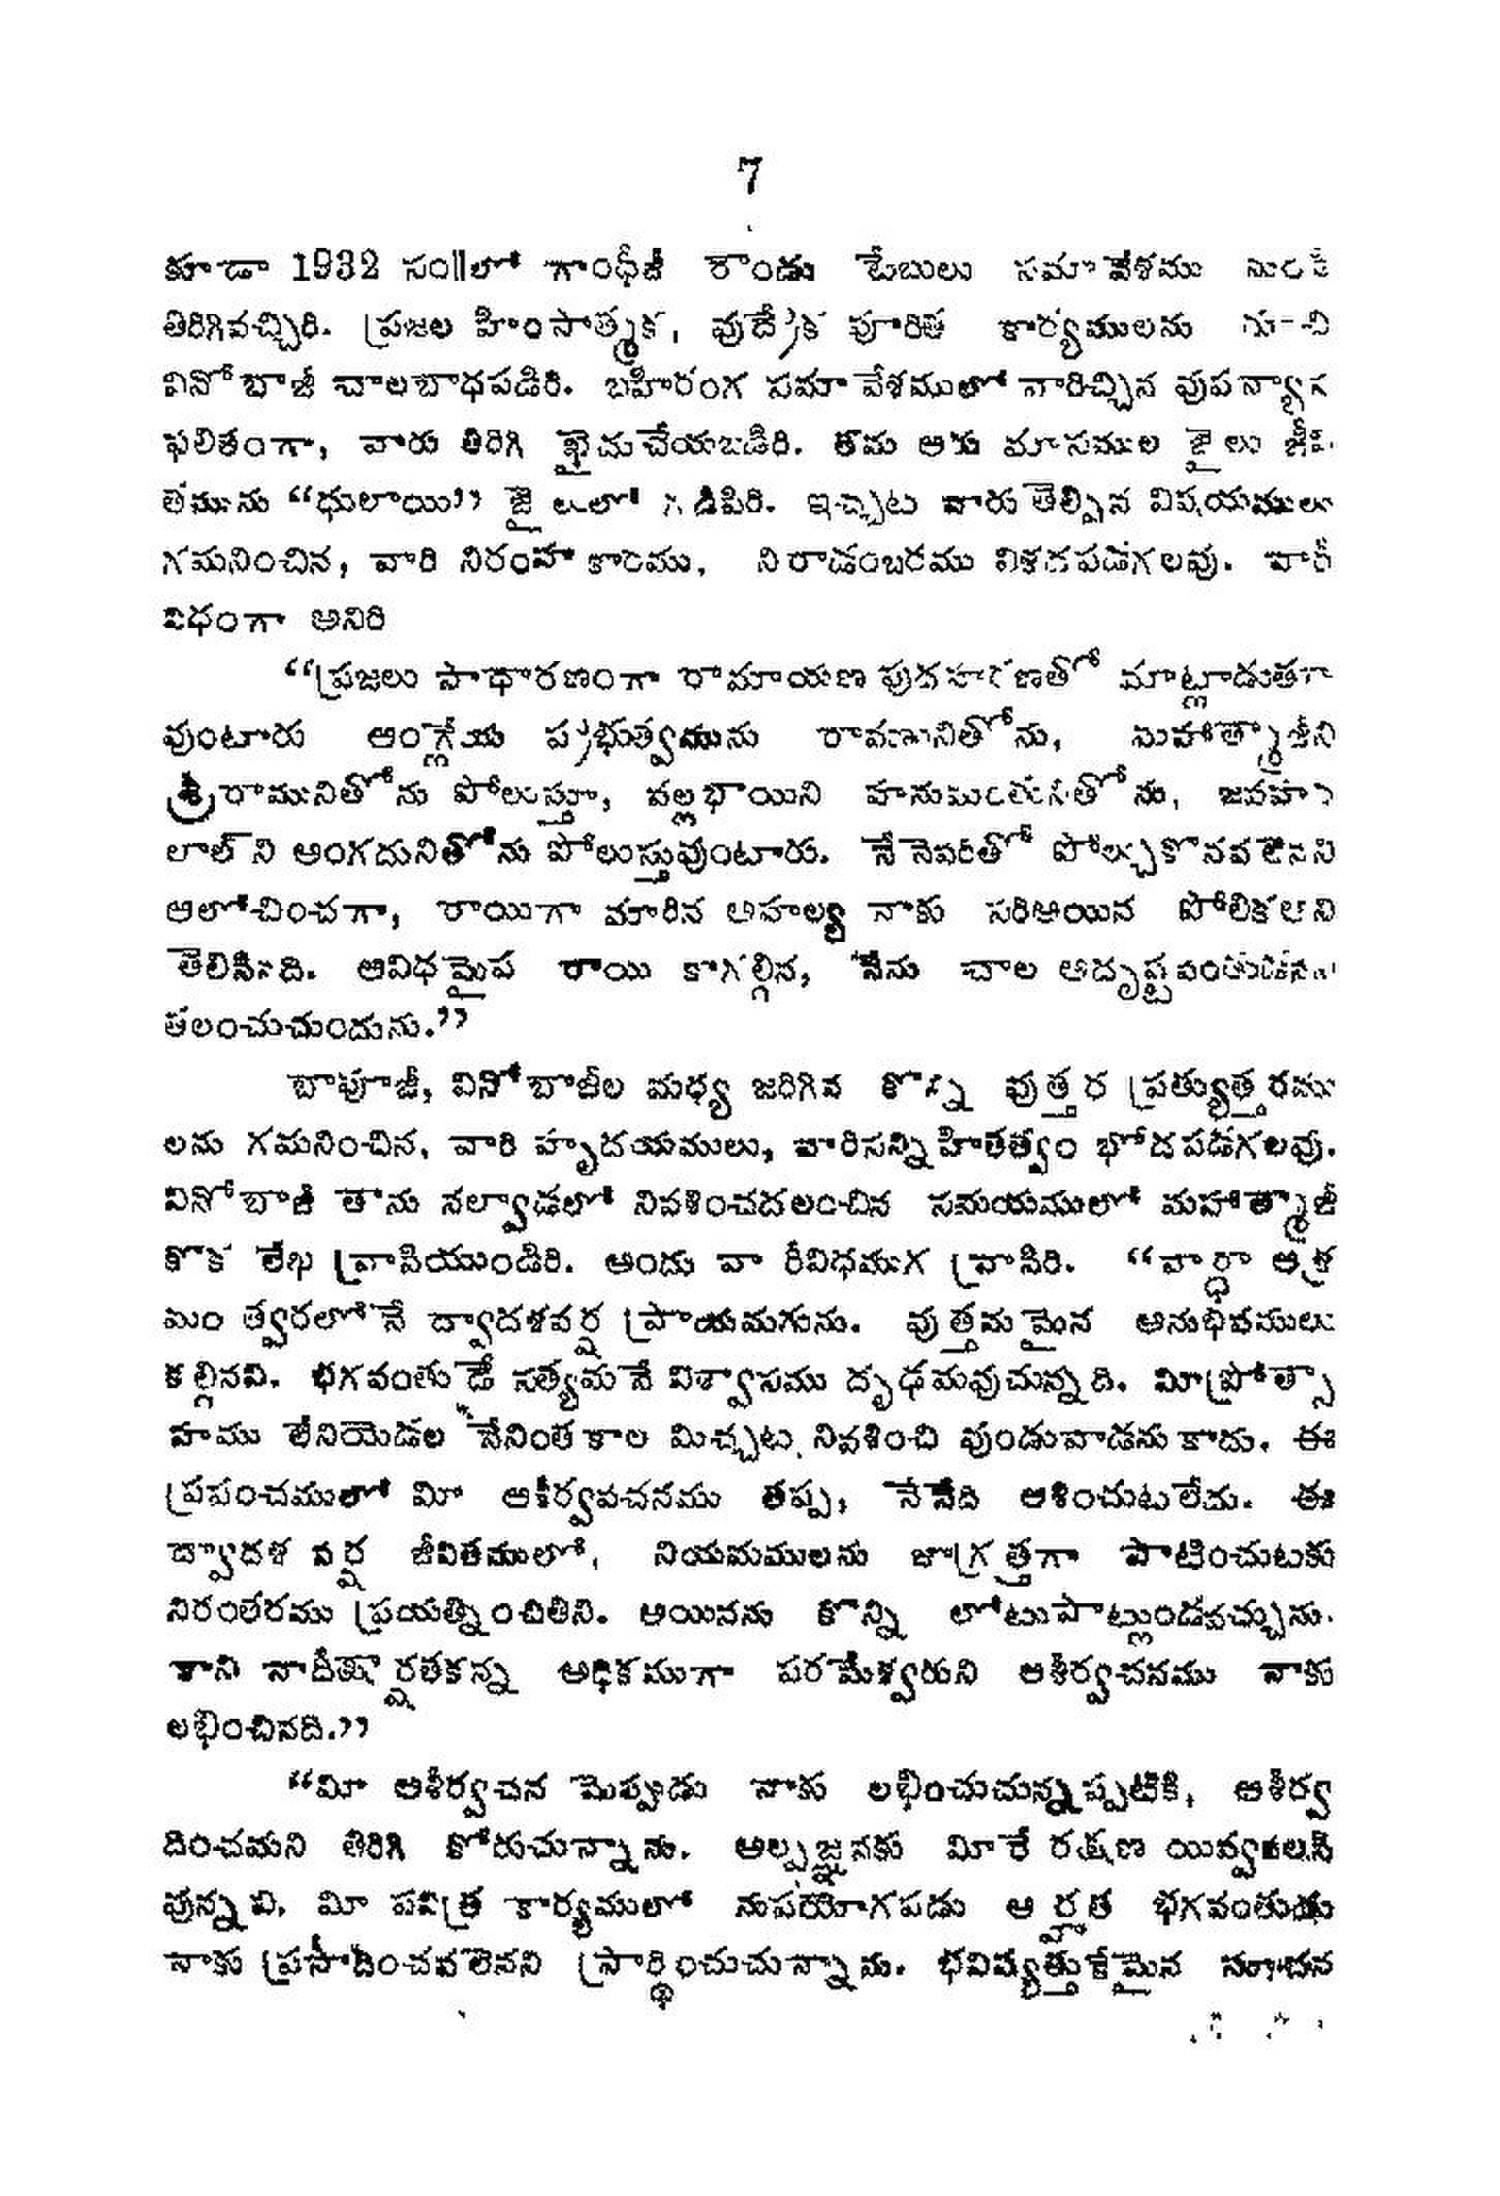కూడా 1932 సం||లో గాంధీజీ రౌండు టేబులు సమావేశము నుండి తిరిగివచ్చిరి. ప్రజల హింసాత్మక, వుద్రేక పూరిత కార్యములను నుంచి వినోబాజీ చాలబాధపడిరి. బహిరంగ సమావేశములో వారిచ్చిన వుపన్యాస ఫలితంగా, వారు తిరిగి ఖైదుచేయబడిరి. తాను ఆరు మాసముల జైలు జీవితమును "ధులాయి" జైలులో గడిపిరి. ఇచ్చట వారు తెల్పిన విషయములు గమనించిన , వారి నిరంహకారము, నిరాడంబరము విశదపడగలవు. వారీ విధంగా అనిరి

"ప్రజలు సాధారణంగా రామాయణ పుదహరణతో మాట్లాడుతూ వుంటారు. ఆంగ్లేయు ప్రభుత్వమును రావణునితోను, మహాత్మాజీని శ్రీరామునితోను పోలుస్తూ, వల్లభాయిని హనుమంతునితోను, జవహర్ లాల్‌ని అంగదునితోను పోలుస్తువుంటారు. నే నెవరితో పోల్చుకొనవలెనని ఆలోచించగా, రాయిగా మారిన అహల్య నాకు సరిఅయిన పోలికఅని తెలిసినది. అవిధమైప రాయి కాగల్గిన, నేను చాల అదృష్టవంతుడనని తలంచుచుందును."

బాపూజీ, వినోబాజీల మధ్య జరిగిన కొన్ని వుత్తర ప్రత్యుత్తరములను గమనించిన, వారి హృదయములు, పారిసన్నిహితత్వం భోదపడగలవు. వినోబాజీ తాను నల్వాడలో నివశించదలంచిన సమయములో మహాత్మాజీ కొక లేఖ వ్రాసియుండిరి. అందు వా రీవిధముగ వ్రాసిరి. "వార్ధా ఆశ్రమం త్వరలోనే ద్వాదశవర్ష ప్రాయమగును. వుత్తమమైన అనుభవములు కల్గినవి. భగవంతుడే సత్యమనే విశ్వాసము దృఢమవుచున్నది, మీప్రోత్సాహము లేనియెడల నేనింతకాల మిచ్చట నివశించి వుండువాడను కాదు. ఈ ప్రపంచములో మీ ఆశీర్వవచనము తప్ప, నేనేది ఆశించుటలేదు. ఈ ద్వాదశ వర్ష జీవితములో, నియమములను జాగ్రత్తగా పాటించుటకు నిరంతరము ప్రయత్నించితిని. అయినను కొన్ని లోటుపాట్లుండవచ్చును . కాని నాదీక్షార్షతకన్న అధికముగా పరమేశ్వరుని ఆశీర్వచనము నాకు లభించినది.”

"మీ ఆశీర్వచన మెప్పుడు నాకు లభించుచున్నప్పటికి, ఆశీర్వదించమని తిరిగి కోరుచున్నాను. అల్పజ్ఞనకు మీరే రక్షణ యివ్వవలసి పున్నవి. మీ పవిత్ర కార్యములో నుపయోగపడు ఆర్హత భగవంతుడు నాకు ప్రసాదించవలెనని ప్రార్ధించుచున్నాను. భవిష్యత్తుకేమైన సూచన